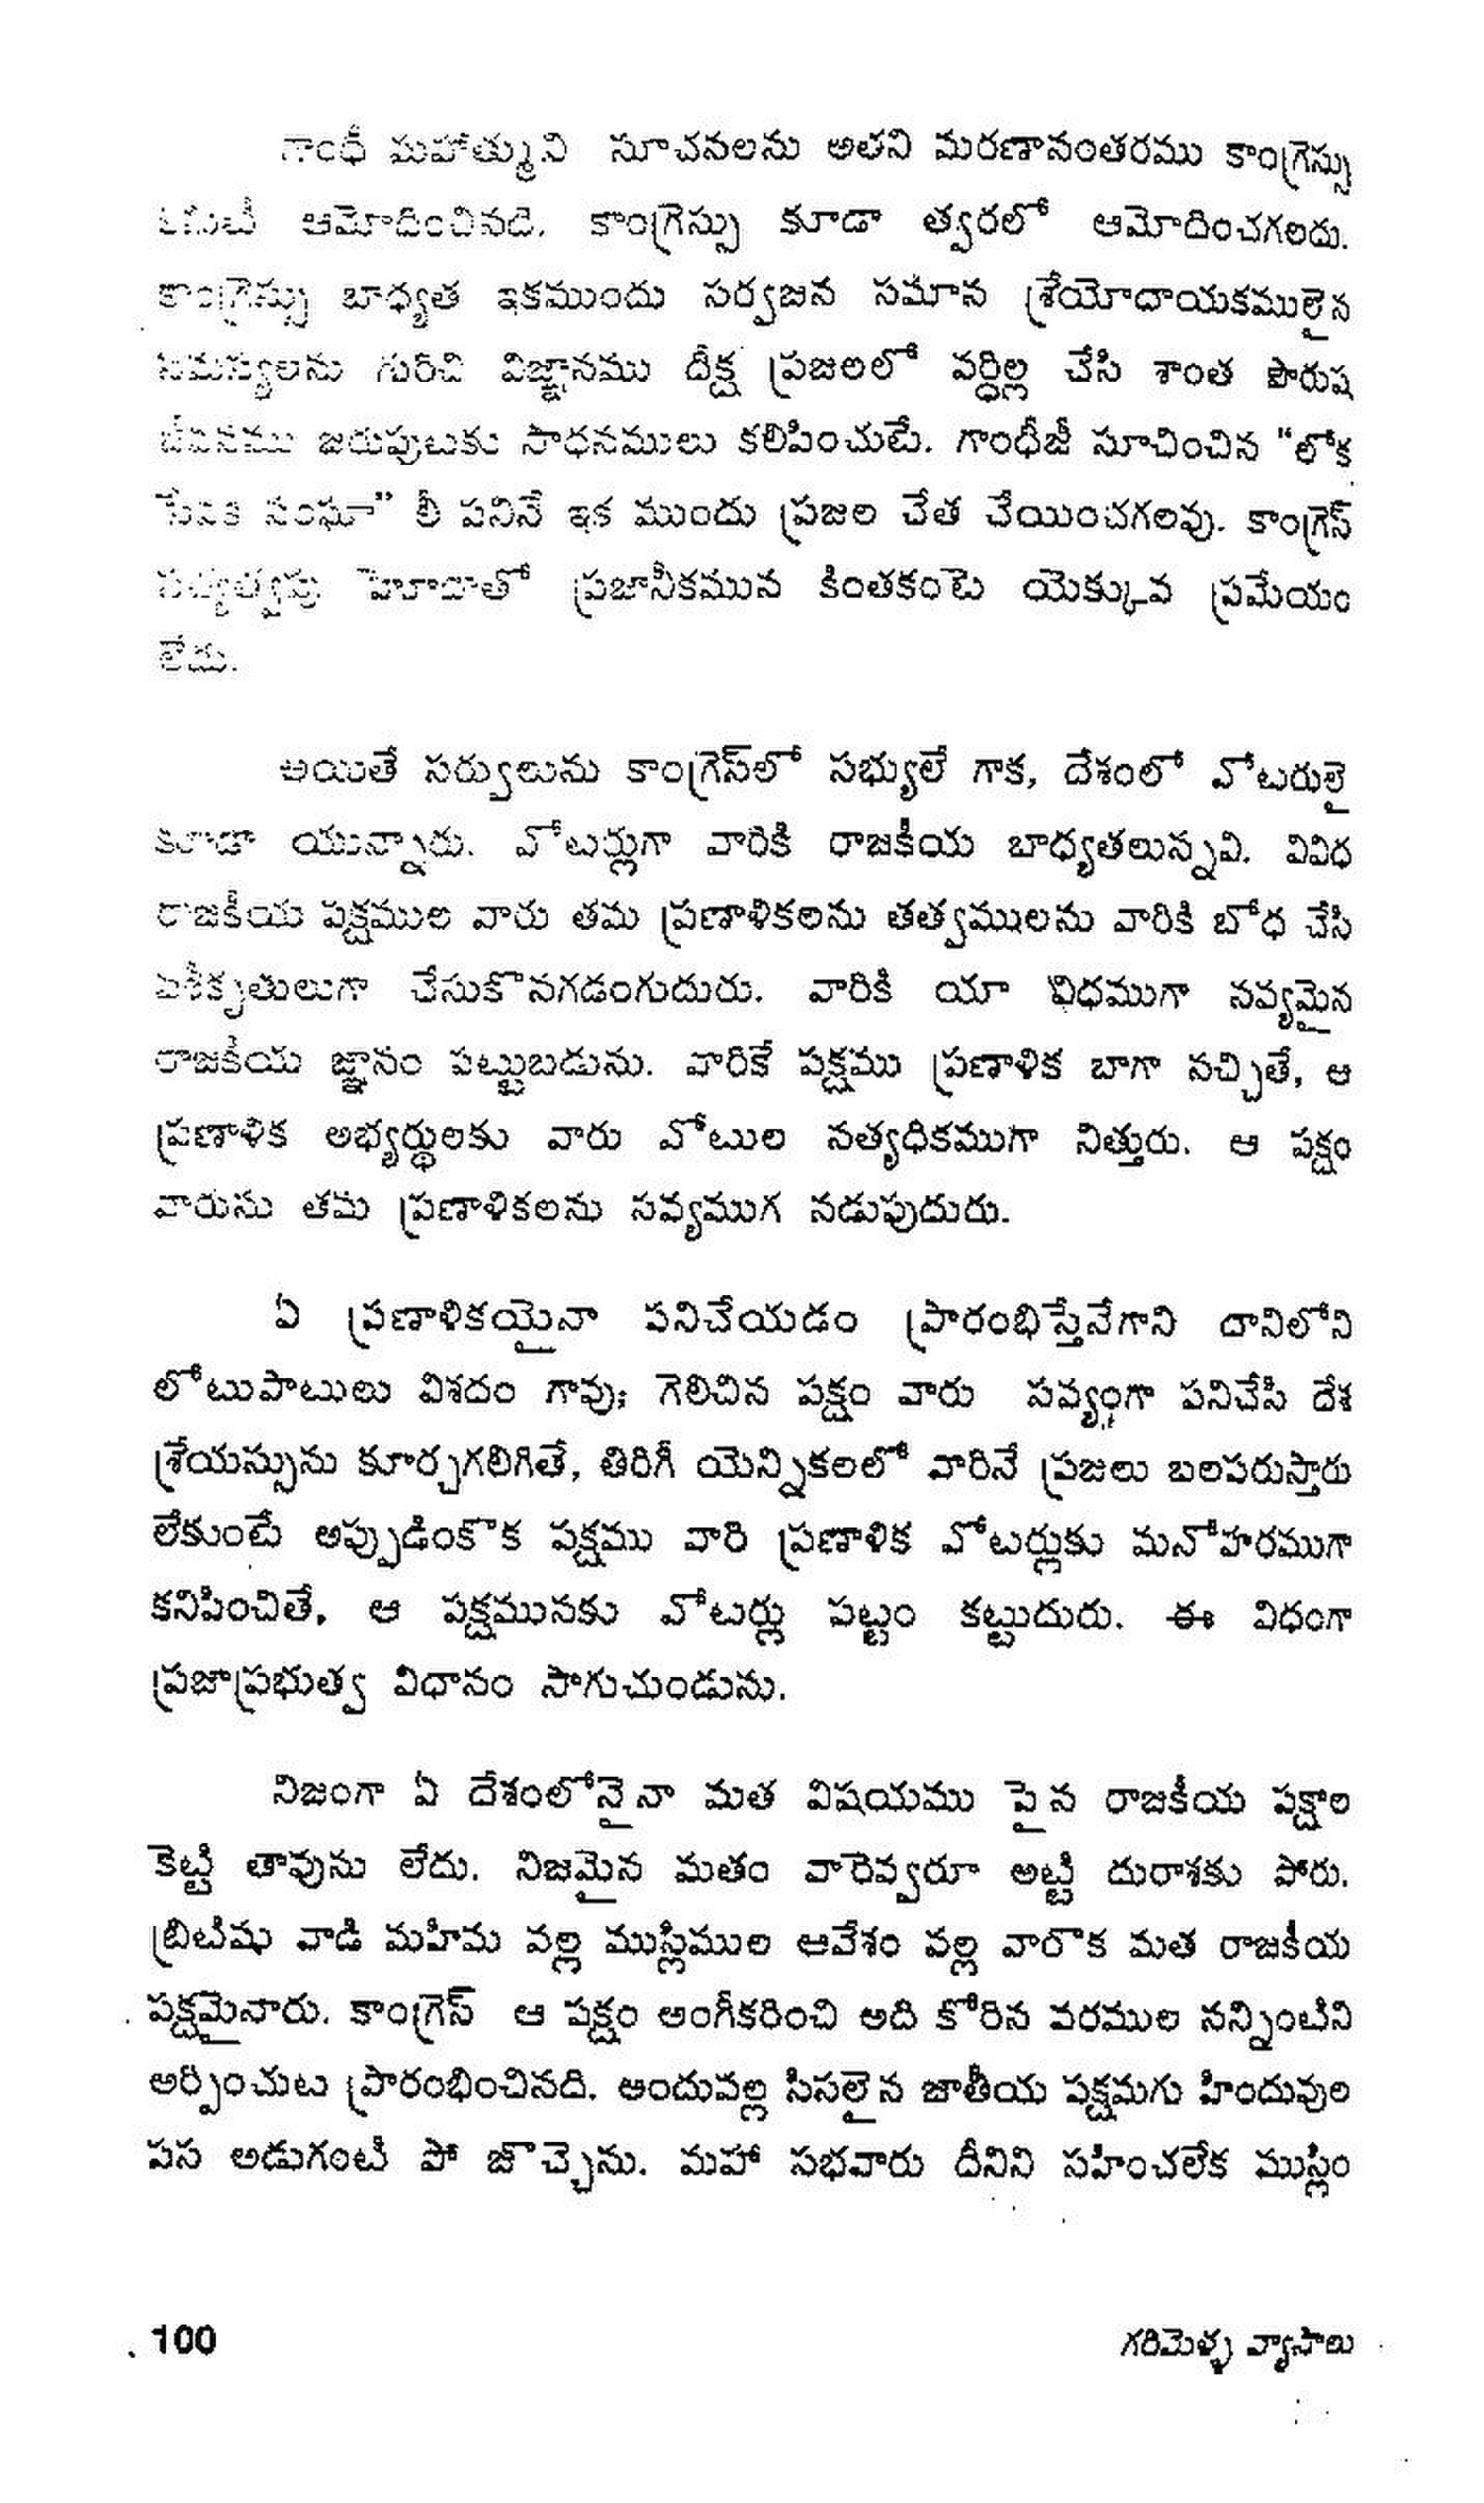గాంధీ మహాత్ముని సూచనలను అతని మరణానంతరము కాంగ్రెస్సు కమిటీ ఆమోదించినది. కాంగ్రెస్సు కూడ త్వరలో ఆమోదించగలదు. కాంగ్రెస్సు బాధ్యత ఇకముందు సర్వజన సమాన శ్రేయోదాయకములైన సమస్యలను గురించి విజ్ఙానము దీక్ష ప్రజలలో వర్ధిల్ల చేసి శాంత పౌరుష జీవనము జరుపుటకు సాధనములు కలిపించుటే. గాంధీజీ సూచించిన "లోకసేవక సంఘా" లీ పనినే ఇక ముందు ప్రజల చేత చేయించగలవు. కాంగ్రెస్ సబ్యత్వపు హోదాతో ప్రజానీకమున కింతకంటె యెక్కువ ప్రమేయం లేదు.

అయితే సర్వులును కాంగ్రెస్‌లో సభ్యులే గాక, దేశంలో వోటరులై కూడా యున్నారు. వోటర్లుగా వారికి రాజకీయ బాధ్యతలున్నవి. వివిధ రాజకీయ పక్షముల వారు తమ ప్రణాళికలను తత్వములను వారికి బోధ చేసి వశీకృతులుగా చేసుకొనగడంగుదురు. వారికి యా విధముగా సవ్యమైన రాజకీయ జ్ఞానం పట్టుబడును. వారికే పక్షము ప్రణాళిక బాగా నచ్చితే, ఆ ప్రణాళిక అభ్యర్థులకు వారు వోటుల నత్యధికముగా నిత్తురు. ఆ పక్షం వారును తమ ప్రణాళికలను సవ్యముగ నడుపుదురు.

ఏ ప్రణాళికయైనా పనిచేయడం ప్రారంభిస్తేనేగాని దానిలోని లోటుపాటులు విశదం గావు. గెలిచిన పక్షం వారు సవ్యంగా పనిచేసి దేశ శ్రేయస్సును కూర్చగలిగితే, తిరిగీ యెన్నికలలో వారినే ప్రజలు బలపరుస్తారు లేకుంటే అప్పుడింకొక పక్షము వారి ప్రణాళిక వోటర్లుకు మనోహరముగా కనిపించితే, ఆ పక్షమునకు వోటర్లు పట్టం కట్టుదురు. ఈ విధంగా ప్రజాప్రభుత్వ విధానం సాగుచుండును.

నిజంగా ఏ దేశంలోనైనా మత విషయము పైన రాజకీయ పక్షాల కెట్టి తావును లేదు. నిజమైన మతం వారెవ్వరూ అట్టి దురాశకు పోరు. బ్రిటిషు వాడి మహిమ వల్ల ముస్లిముల ఆవేశం వల్ల వారొక మతరాజకీయ పక్షమైనారు. కంగ్రెస్ ఆ పక్షం అంగీకరించి అది కోరిన వరముల ననింటిని అర్పించుట ప్రారంభించినది. అందువల్ల సిసలైన జాతీయ పక్షమగు హిందువుల పస అడుగంటి పోజొచ్చెను. మహా సభవారు దీనిని సహించలేక ముస్లిం